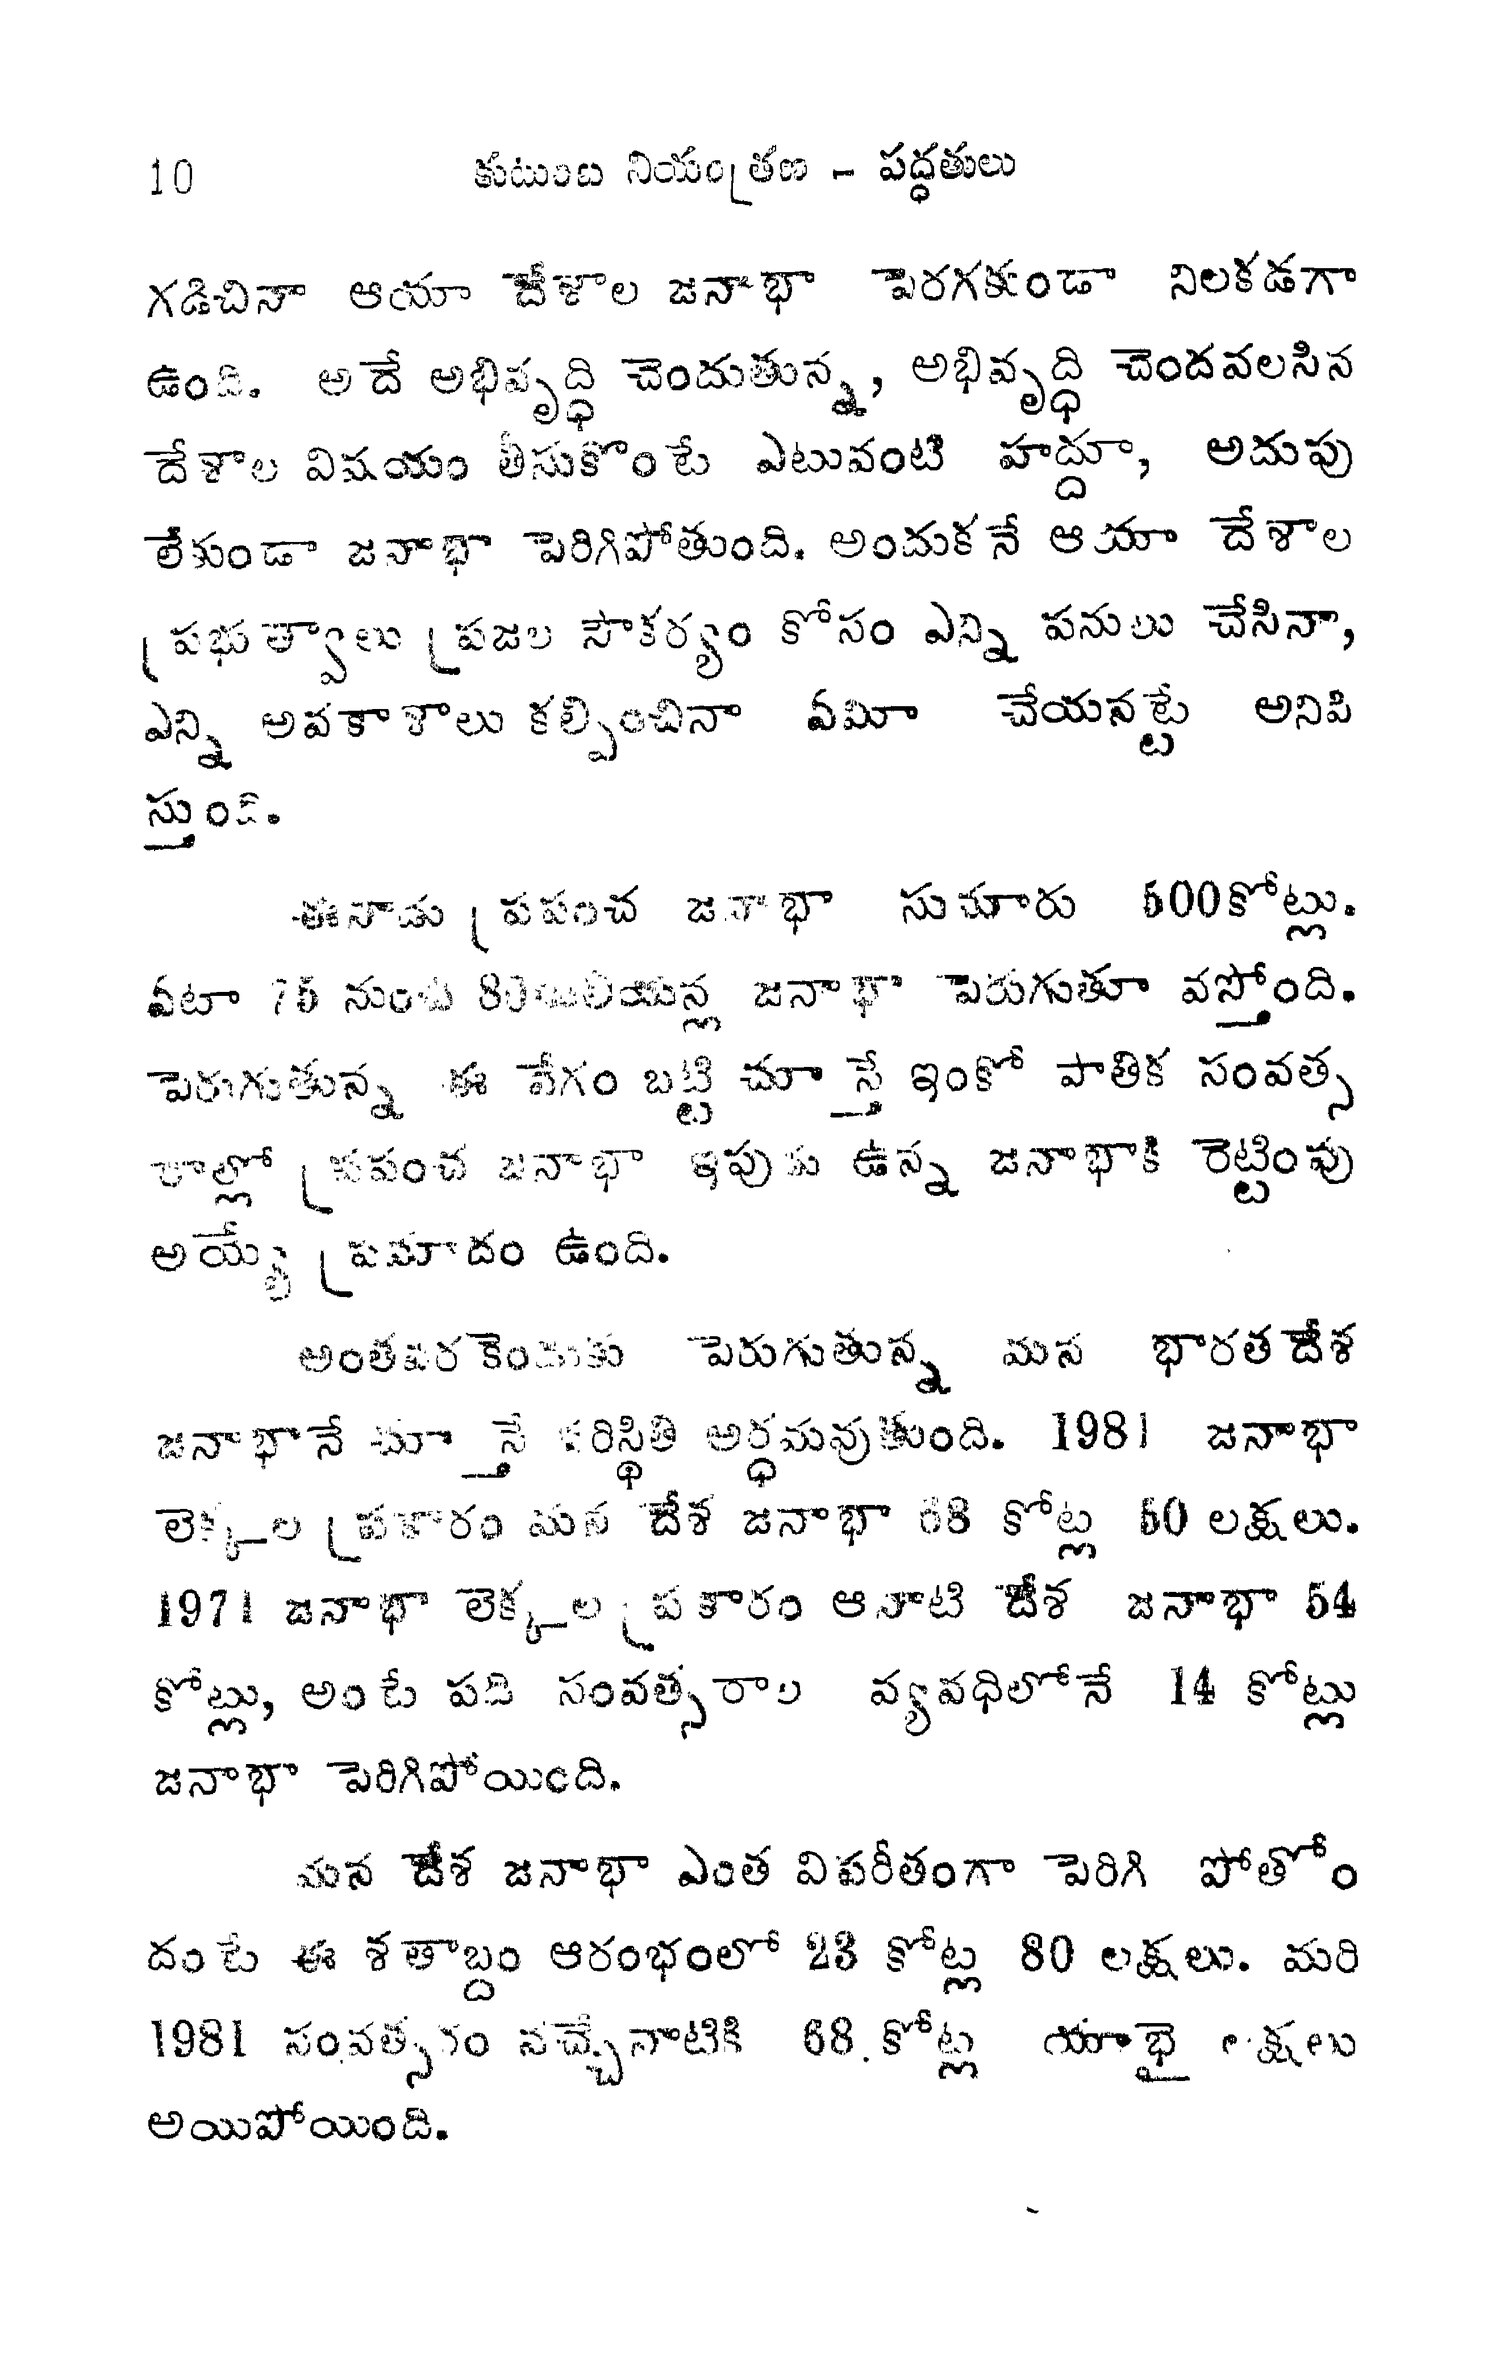గడిచినా ఆయా దేశాల జనాభా పెరగకుండా నిలకడగా ఉంది. అదే అభివృద్ధి చెందుతున్న, అభివృద్ధి చెందవలసిన దేశాల విషయం తీసుకుంటే ఎటువంటి హద్దూ, అదుపు లేకుండా జనాభా పెరిగిపోతుంది. అందుకనే ఆయా దేశాల ప్రభుత్వాలు ప్రజల సౌకర్యం కోసం ఎన్ని పనులు చేసినా, ఎన్ని అవకాశాలు కల్పించినా ఏమీ చేయనట్టే అనిపిస్తుంది.

ఈనాడు ప్రపంచ జనాభా సుమారు 500 కోట్లు. ఏటా 75 నుండి 80 మిలయన్ల జనాభా పెరుగుతూ వస్తోంది. పెరుగుతున్న ఈ వేగం బట్టి చూస్తే ఇంకో పాతిక సంవత్సరాల్లో ప్రపంచ జనాభా ఇపుడు ఉన్న జనాభాకి రెట్టింపు అయ్యే ప్రమాదం ఉంది.

అంతవరకెందుకు పెరుగుతున్న మన భారతదేశ జనాభానే చూస్తే పరిస్థితి అర్ధమవుతుంది. 1981 జనాభా లెక్కల ప్రకారం మన దేశ జనాభా 68 కోట్ల 50 లక్షలు. 1971 జనాభా లెక్కల ప్రకారం ఆనాటి దేశ జనాభా 54 కోట్లు, అంటే పది సంవత్సరాల వ్యవధిలోనే 14 కోట్లు జనాభా పెరిగిపోయింది.

మన దేశ జనాభా ఎంత విపరీతంగా పెరిగి పోతోందంటే ఈ శతాబ్దం ఆరంభంలో 23 కోటల 80 లక్షలు. మరి 1981 సంవత్సరం వచ్చేనాటికి 68 కోట్ల యాభై లక్షలు అయిపోయింది.